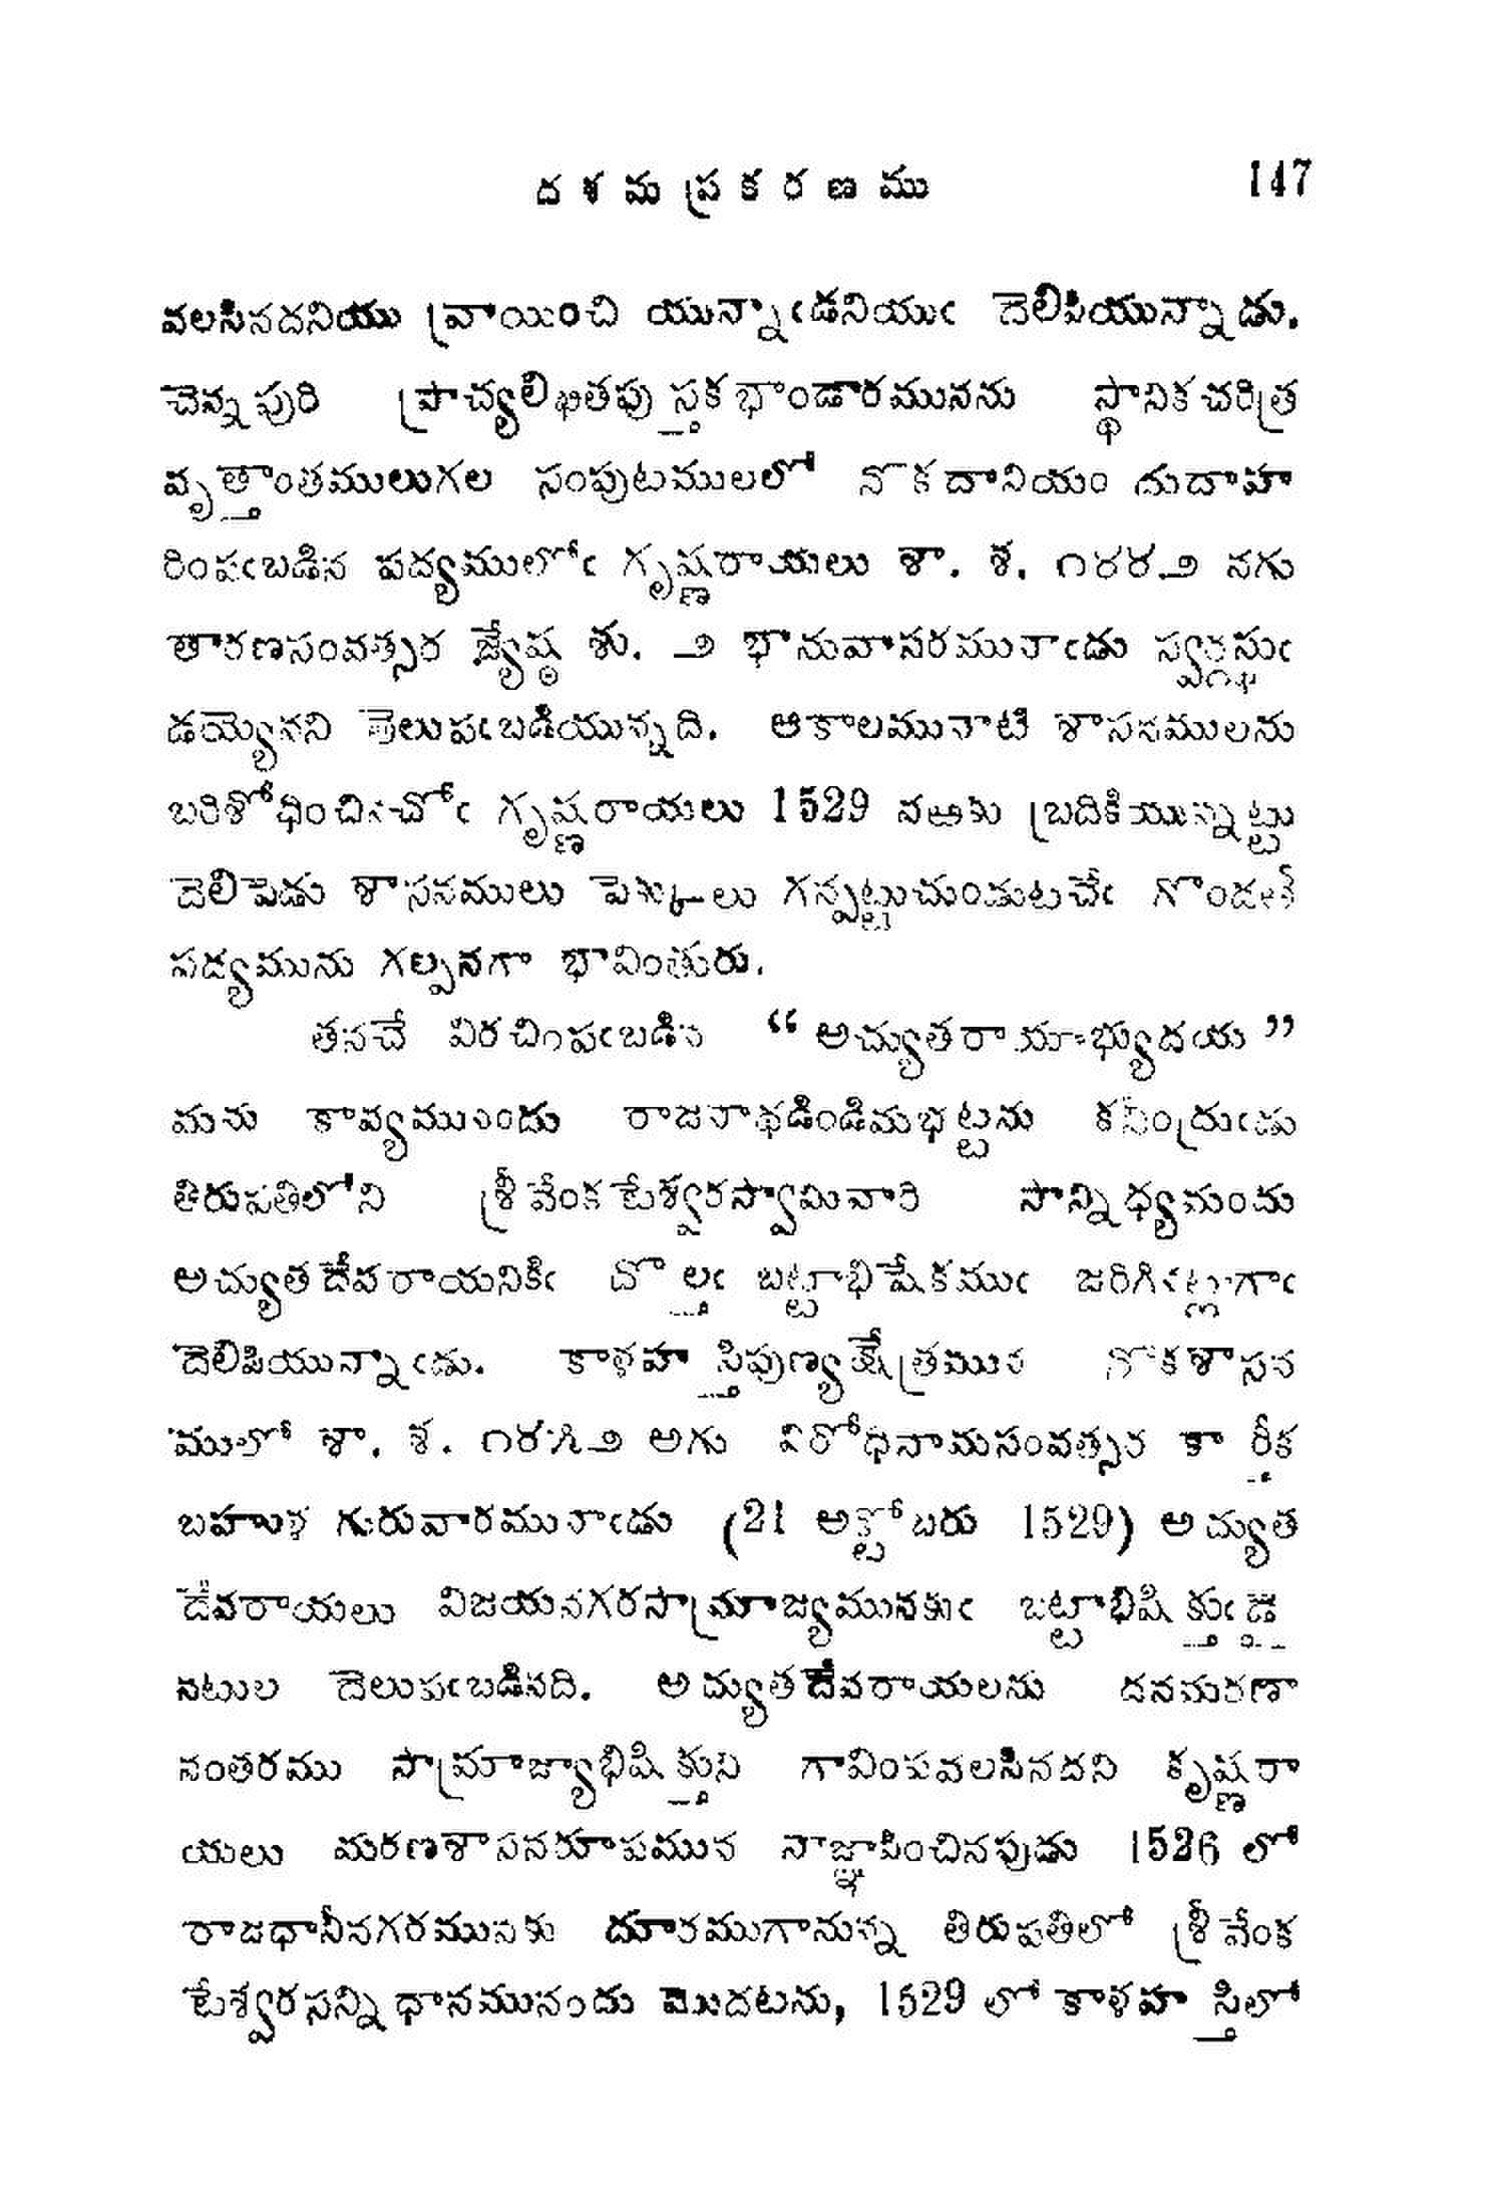వలసినదనియు వ్రాయించి యున్నాఁడనియుఁ దెలిపియున్నాడు. చెన్నపురి ప్రాచ్యలిఖితపుస్తక భాండారమునను స్థానికచరిత్ర వృత్తాంతములుగల సంపుటములలో నొకదానియం దుదాహరింపఁబడిన పద్యములోఁ గృష్ణరాయలు శా. శ. 1442 నగు తారణసంవత్సర జ్యేష్ట శు. 2 భానువారమునాఁడు స్వర్గస్థుఁడయ్యెనని తెలుపబడియున్నది. ఆకాలమునాటి శాసనములను బరిశోధించినచోఁ గృష్ణరాయలు 1529 వఱకు బ్రదికియున్నట్టు దెలిపెడు శాసనములు పెక్కులు గన్పట్టుచుండుటచేఁ గొందఱీ పద్యమును గల్పనగా భావింతురు.

తనచే విరచింపఁబడిన "అచ్యుతరాయాభ్యుదయ" మను కావ్వమునందు రాజనాథడిండిమభట్టను కవీంద్రుడు తిరుపతిలోని శ్రీవేంకటేశ్వరస్వామివారి సాన్నిధ్యమందు అచ్యుతదేవరాయనికిఁ దొల్తఁ బట్టాభిషేకముఁ జరిగినట్లుగాఁ దెలిపియున్నాఁడు. కాళహస్తిపుణ్యక్షేత్రమున నొకశాసనములో శా. శ. 1452 అగు విరోధనామసంవత్సర కార్తీక బహుళ గురువారమునాఁడు (21 అక్టోబరు 1529) అచ్యుతదేవరాయలు విజయనగరసామ్రాజ్యమునకుఁ బట్టాభిషిక్తుఁడై నటుల దెలుపఁబడినది. అచ్యుతదేవరాయలను దనమరణానంతరము సామ్రాజ్యాభిషిక్తుని గావింపవలసినదని కృష్ణరాయలు మరణశాసనరూపమున నాజ్ఞాపించినపుడు 1526 లో రాజధానీనగరమునకు దూరముగానున్న తిరుపతిలో శ్రీవేంకటేశ్వరసన్నిధానమునందు మొదటను, 1529 లో కాళహస్తిలో